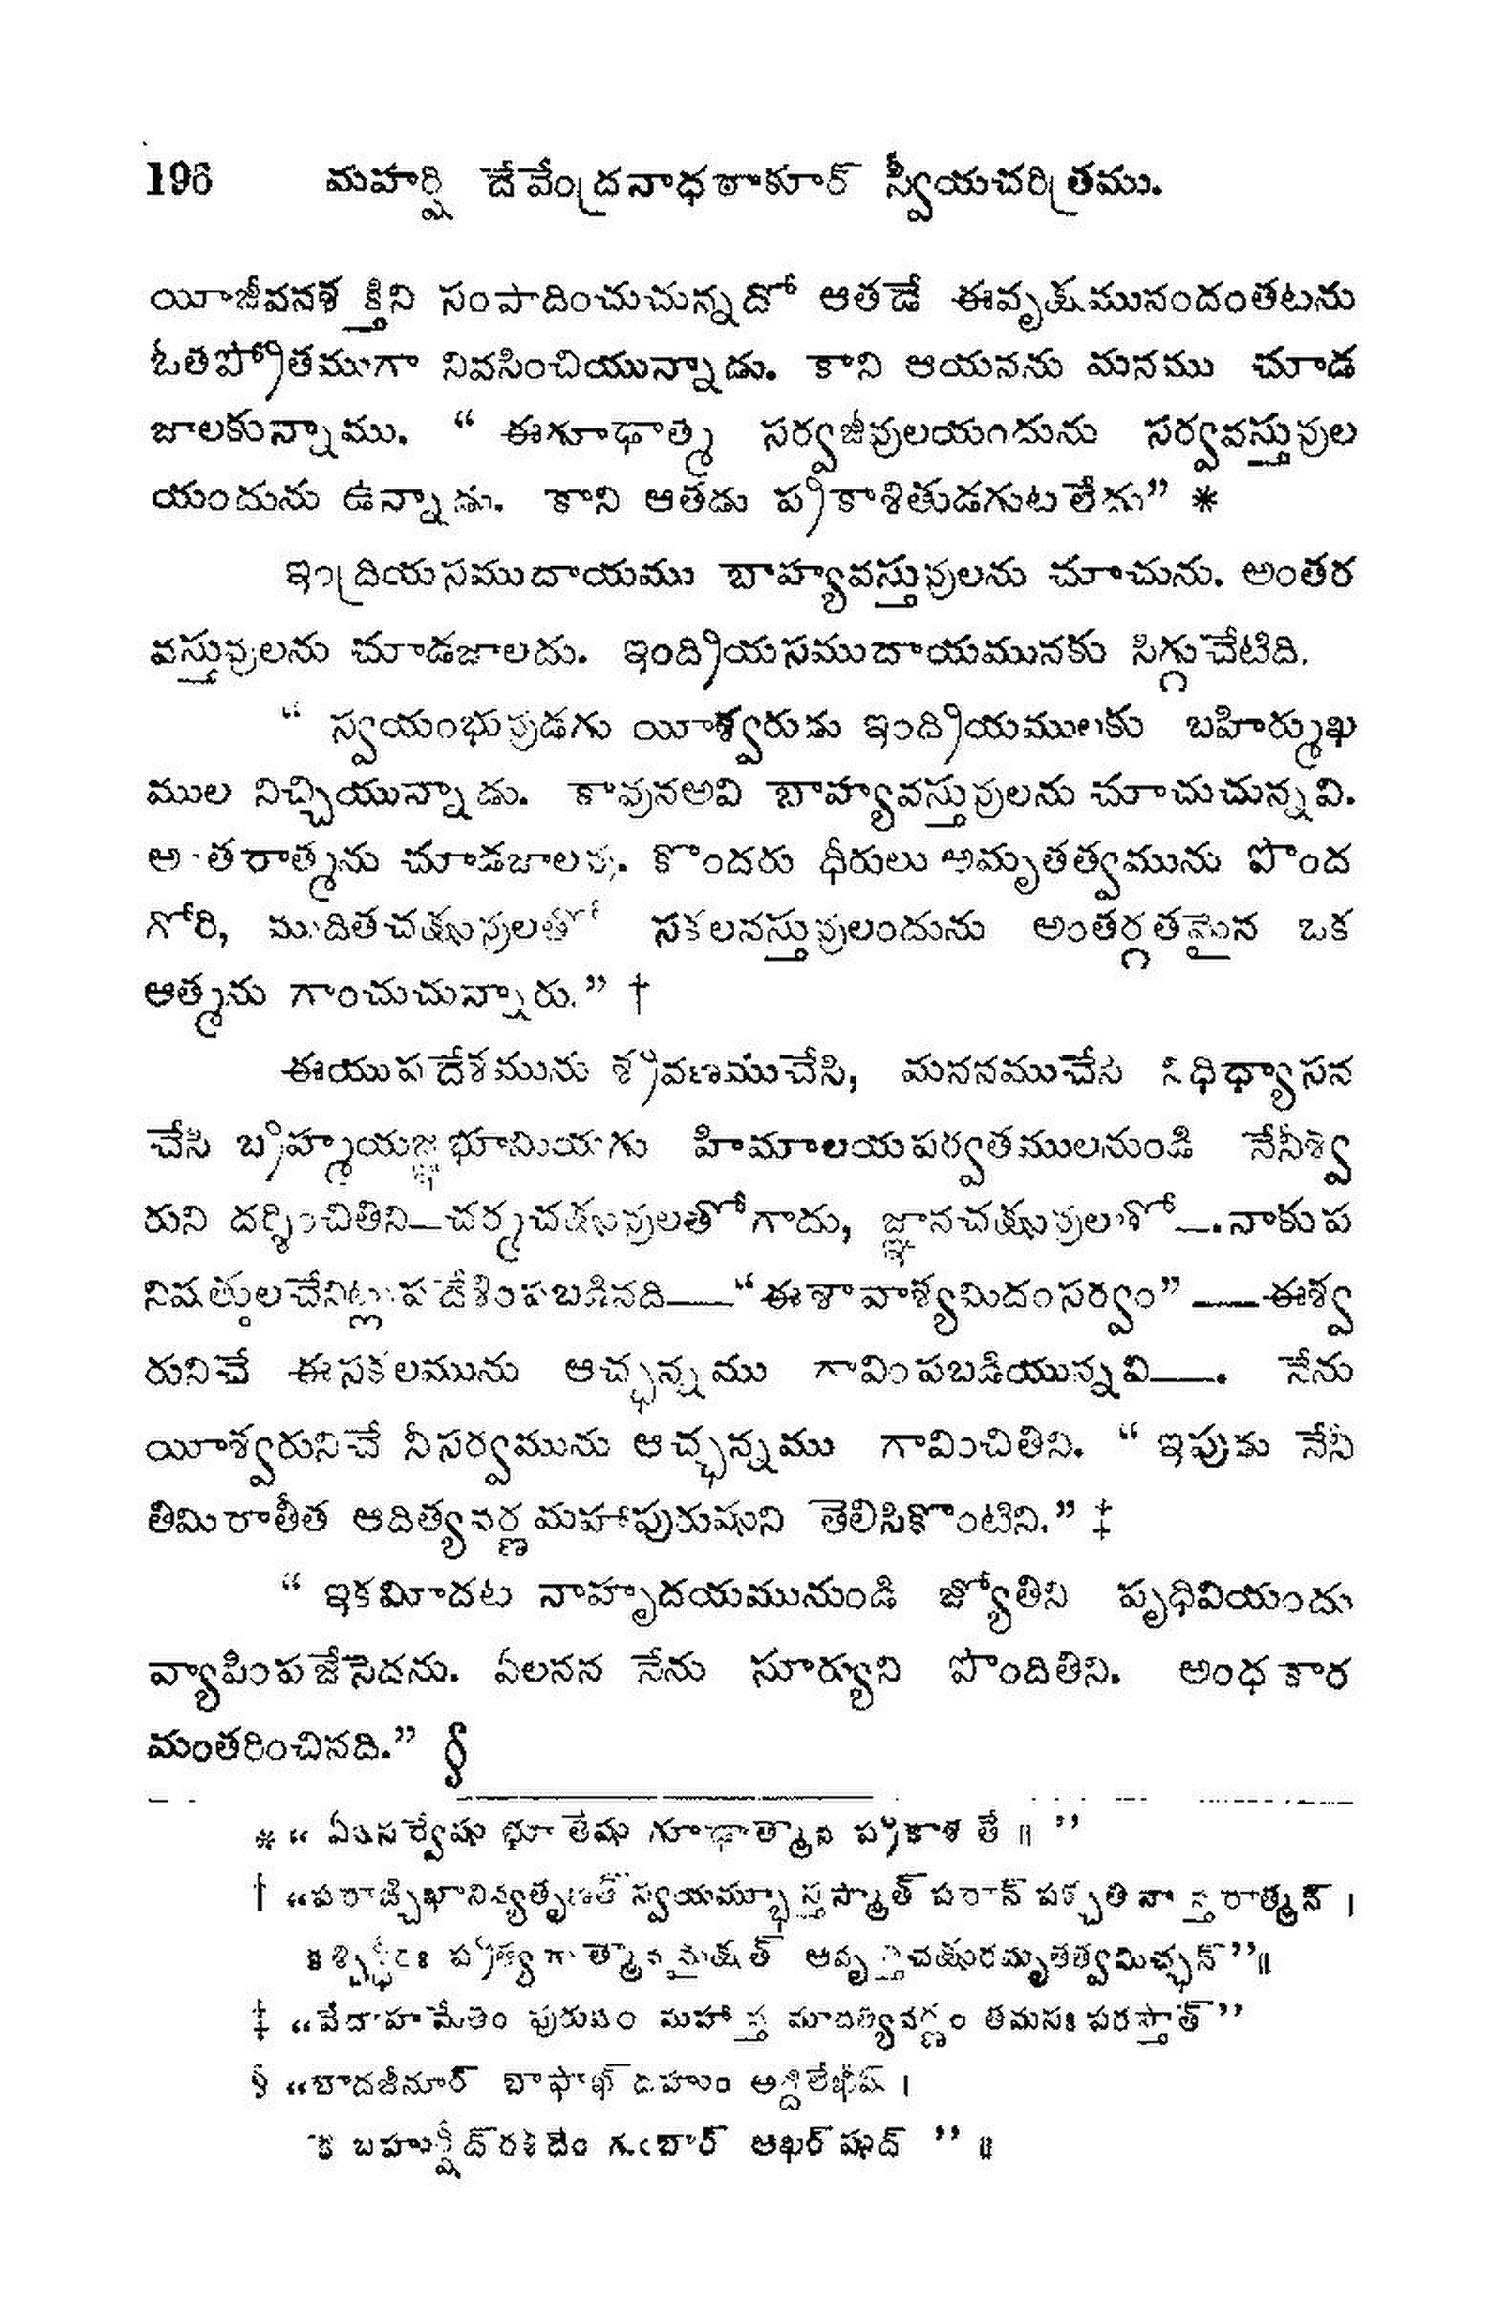యీజీవనశక్తిని సంపాదించుచున్నదో అతడే ఈవృక్షమునందంతటను
ఓతప్రోతముగా నివసించియున్నాడు. కాని ఆయనను మనము చూడ
జాలకున్నాము. ఈగూఢాత్మ సర్వజీవుల యందును సర్వవస్తువుల
యందును ఉన్నాడు. కాని ఆతడు ప్రకాశితుడగుట లేదు” *'

ఇంద్రియ సముదాయము బాహ్య వస్తువులను చూచును, అంతర
వస్తువులను చూడజాలదు. ఇంద్రియ సముదాయమునకు సిగ్గు చేటిది,
స్వయంభు పుడగు యీశ్వరుడు ఇంద్రియములకు బహిర్ముఖముల 
నిచ్చియున్నాడు. కావున అవి బాహ్యవస్తువులను చూచుచున్నవి.
అంతరాత్మను చూడజాలవు. కొందరు ధీరులు అమృతత్వమును 
పొందగోరి, ముదిత చక్షువుల సకలనస్తు వులందును అంతర్గతమైన 
ఒక ఆత్మను గాంచుచున్నారు. ” |

ఈయుపదేశమును శ్రవణము చేసి, మననముచేసి ధిధ్యాసన
చేసి బ్రహ్మయజ్ఞ భూమియగు హిమాలయ పర్వతములనుండి నేనీశ్వ
రుని దర్శించితిని_చర్మచకనులతో గాదు,
జ్ఞానచక్షుపులతో...నాకుపనిషత్తుల చేసిట్లు పదేశింపబడినది. 
"ఈశావాశ్యమిదం సర్వం” --- ఈశ్వరునిచే ఈ సకలమును ఆచ్ఛన్నము గావింపబడియున్నవి. యీశ్వరునిచే నీ సర్వమును ఆచ్ఛన్నము గామిచితిని. " ఇపుకు నేనీతిమి రాతీత ఆదిత్య వర్ణ మహాపురుషుని తెలిసికొంటిని.” 

ఇక మీదట నాహృదయమునుండి జ్యోతిని పృధీవియందు
వ్యాపింప జేసెదను. ఏలనన నేను సూర్యుని పొందితిని. అంధ కార
మంతరించినది.”